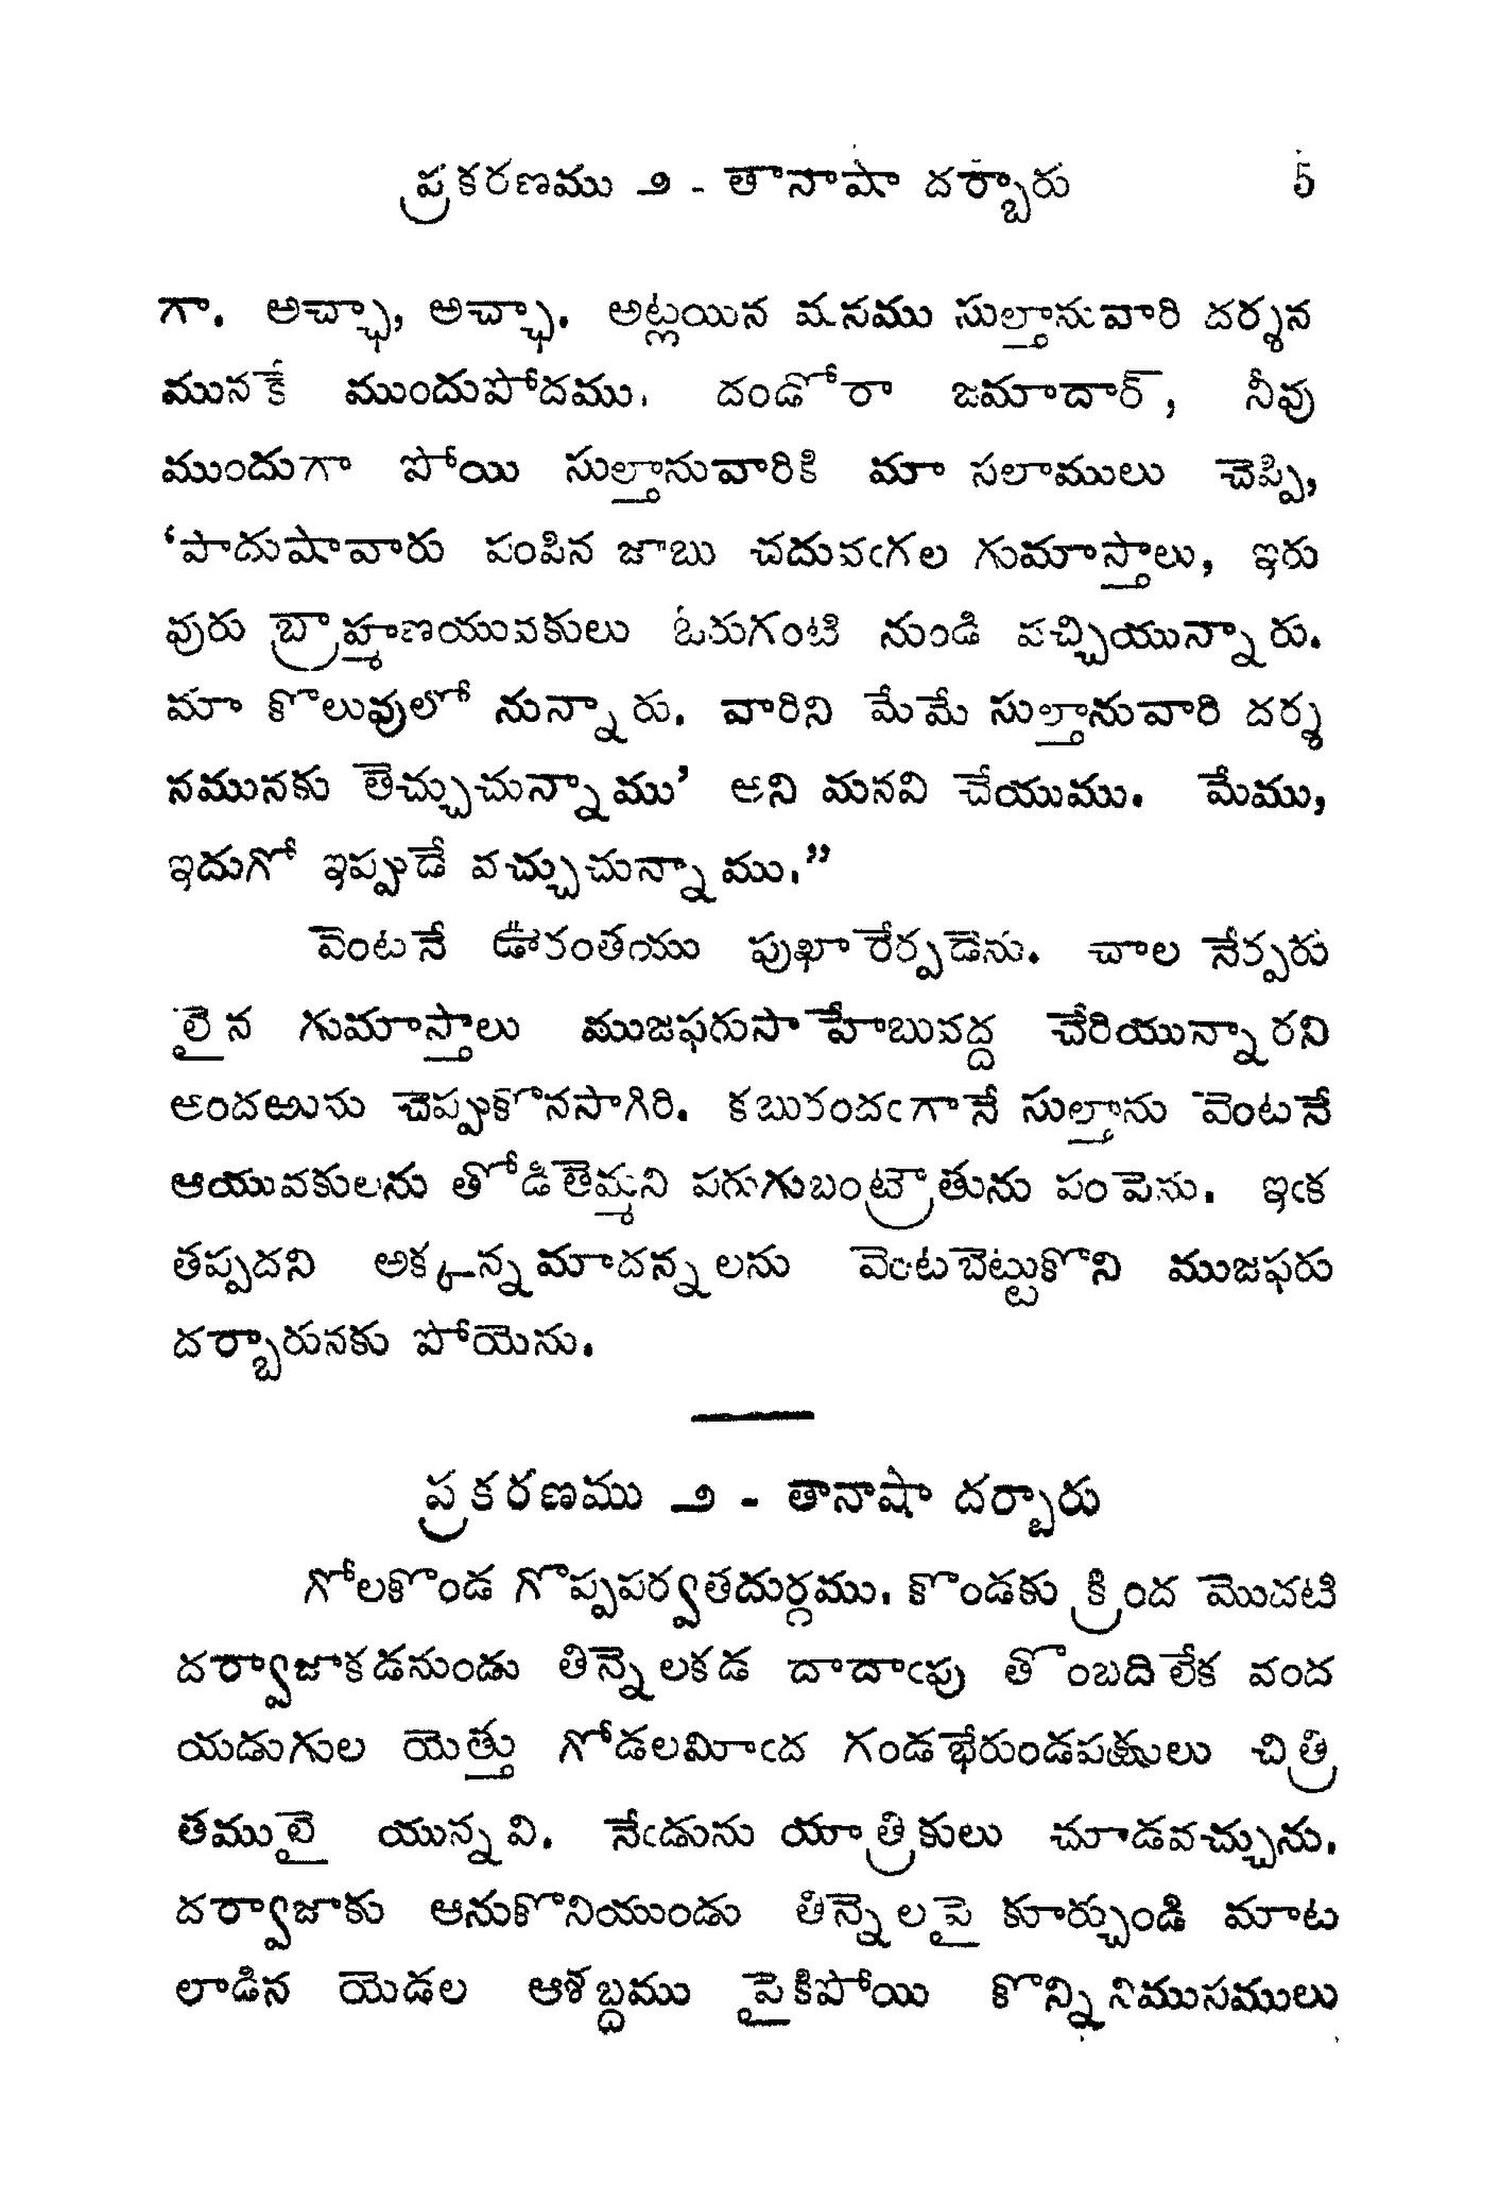గా. అచ్ఛా, అచ్ఛా. అట్లయిన మనము సుల్తానువారి దర్శనమునకే ముందుపోదము. దండోరా జమాదార్, నీవు ముందుగా పోయి సుల్తానువారికి మా సలాములు చెప్పి, ‘పాదుషావారు పంపిన జాబు చదువఁగల గుమాస్తాలు, ఇరువురు బ్రాహ్మణయువకులు ఓరుగంటి నుండి వచ్చియున్నారు. మా కొలువులో నున్నారు. వారిని మేమే సుల్తానువారి దర్శనమునకు తెచ్చుచున్నాము’ అని మనవి చేయుము. మేము, ఇదుగో ఇప్పడే వచ్చుచున్నాము.”

వెంటనే ఊరంతయు పుఖారేర్పడెను. చాల నేర్పరులైన గుమాస్తాలు ముజఫరుసాహేబువద్ద చేరియున్నారని అందఱును చెప్పుకొనసాగిరి. కబురందఁగానే సుల్తాను వెంటనే ఆయువకులను తోడితెమ్మని పరుగుబంట్రౌతును పంపెను. ఇఁక తప్పదని అక్కన్నమాదన్నలను వెంటబెట్టుకొని ముజఫరు దర్బారునకు పోయెను.

గోలకొండ గొప్పపర్వతదుర్గము. కొండకు క్రింద మొదటి దర్వాజాకడనుండు తిన్నెలకడ దాదాఁపు తొంబదిలేక వంద యడుగుల యెత్తు గోడలవిూఁద గండభేరుండపక్షులు చిత్రితములై యున్నవి. నేఁడును యాత్రికులు చూడవచ్చును. దర్వాజాకు ఆనుకొనియుండు తిన్నెలపై కూర్చుండి మాటలాడిన యెడల ఆశబ్దము పైకిపోయి కొన్నినిముసములు